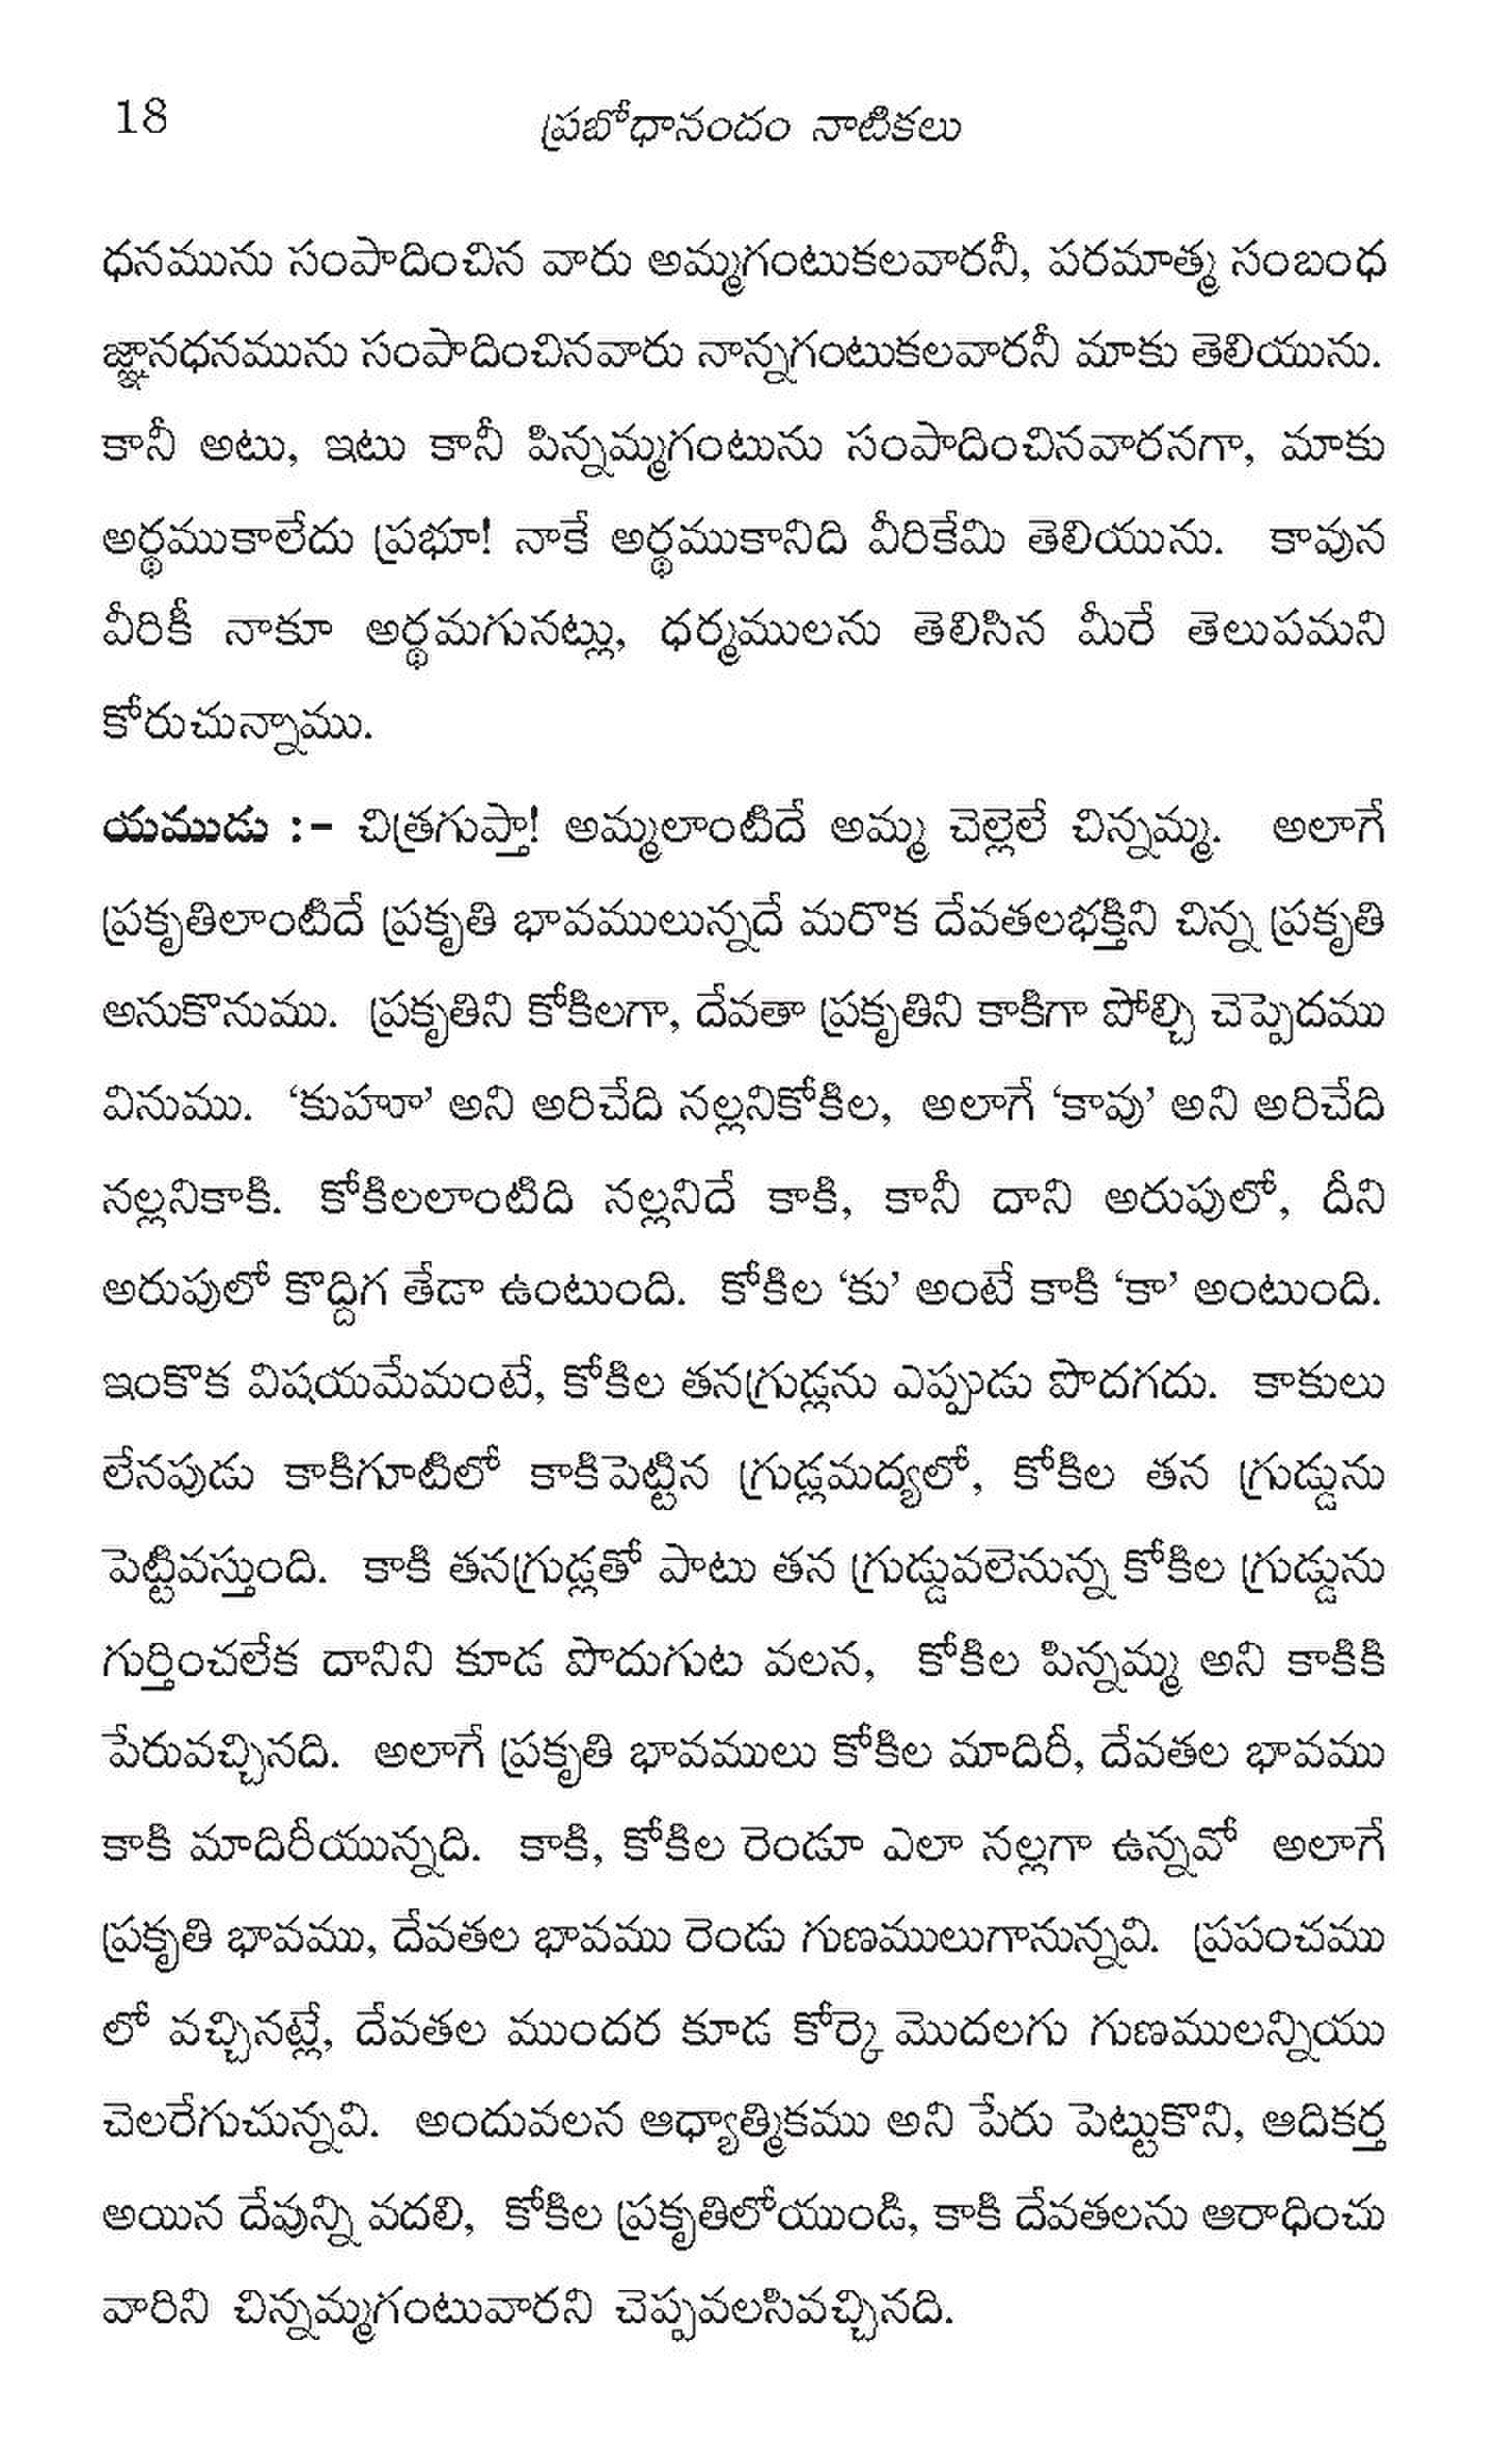ధనమును సంపాదించిన వారు అమ్మగంటుకలవారనీ, పరమాత్మ సంబంధ జ్ఞానధనమును సంపాదించినవారు నాన్నగంటుకలవారనీ మాకు తెలియును. కానీ అటు, ఇటు కానీ పిన్నమ్మగంటును సంపాదించినవారనగా, మాకు అర్థముకాలేదు ప్రభూ! నాకే అర్థముకానిది వీరికేమి తెలియును. కావున వీరికీ నాకూ అర్థమగునట్లు, ధర్మములను తెలిసిన మీరే తెలుపమని కోరుచున్నాము.

యముడు :- చిత్రగుప్తా! అమ్మలాంటిదే అమ్మ చెల్లెలే చిన్నమ్మ. అలాగే ప్రకృతిలాంటిదే ప్రకృతి భావములున్నదే మరొక దేవతలభక్తిని చిన్న ప్రకృతి అనుకొనుము. ప్రకృతిని కోకిలగా, దేవతా ప్రకృతిని కాకిగా పోల్చి చెప్పెదము వినుము. ‘కుహూ’ అని అరిచేది నల్లనికోకిల, అలాగే ‘కావు’ అని అరిచేది నల్లనికాకి. కోకిలలాంటిది నల్లనిదే కాకి, కానీ దాని అరుపులో, దీని అరుపులో కొద్దిగ తేడా ఉంటుంది. కోకిల ‘కు’ అంటే కాకి ‘కా’ అంటుంది. ఇంకొక విషయమేమంటే, కోకిల తనగ్రుడ్లను ఎప్పుడు పొదగదు. కాకులు లేనపుడు కాకిగూటిలో కాకిపెట్టిన గ్రుడ్లమద్యలో, కోకిల తన గ్రుడ్డును పెట్టివస్తుంది. కాకి తనగ్రుడ్లతో పాటు తన గ్రుడ్డువలెనున్న కోకిల గ్రుడ్డును గుర్తించలేక దానిని కూడ పొదుగుట వలన, కోకిల పిన్నమ్మ అని కాకికి పేరువచ్చినది. అలాగే ప్రకృతి భావములు కోకిల మాదిరీ, దేవతల భావము కాకి మాదిరీయున్నది. కాకి, కోకిల రెండూ ఎలా నల్లగా ఉన్నవో అలాగే ప్రకృతి భావము, దేవతల భావము రెండు గుణములుగానున్నవి. ప్రపంచములో వచ్చినట్లే, దేవతల ముందర కూడ కోర్కె మొదలగు గుణములన్నియు చెలరేగుచున్నవి. అందువలన ఆధ్యాత్మికము అని పేరు పెట్టుకొని, ఆదికర్త అయిన దేవున్ని వదలి, కోకిల ప్రకృతిలోయుండి, కాకి దేవతలను ఆరాధించు వారిని చిన్నమ్మగంటువారని చెప్పవలసివచ్చినది.